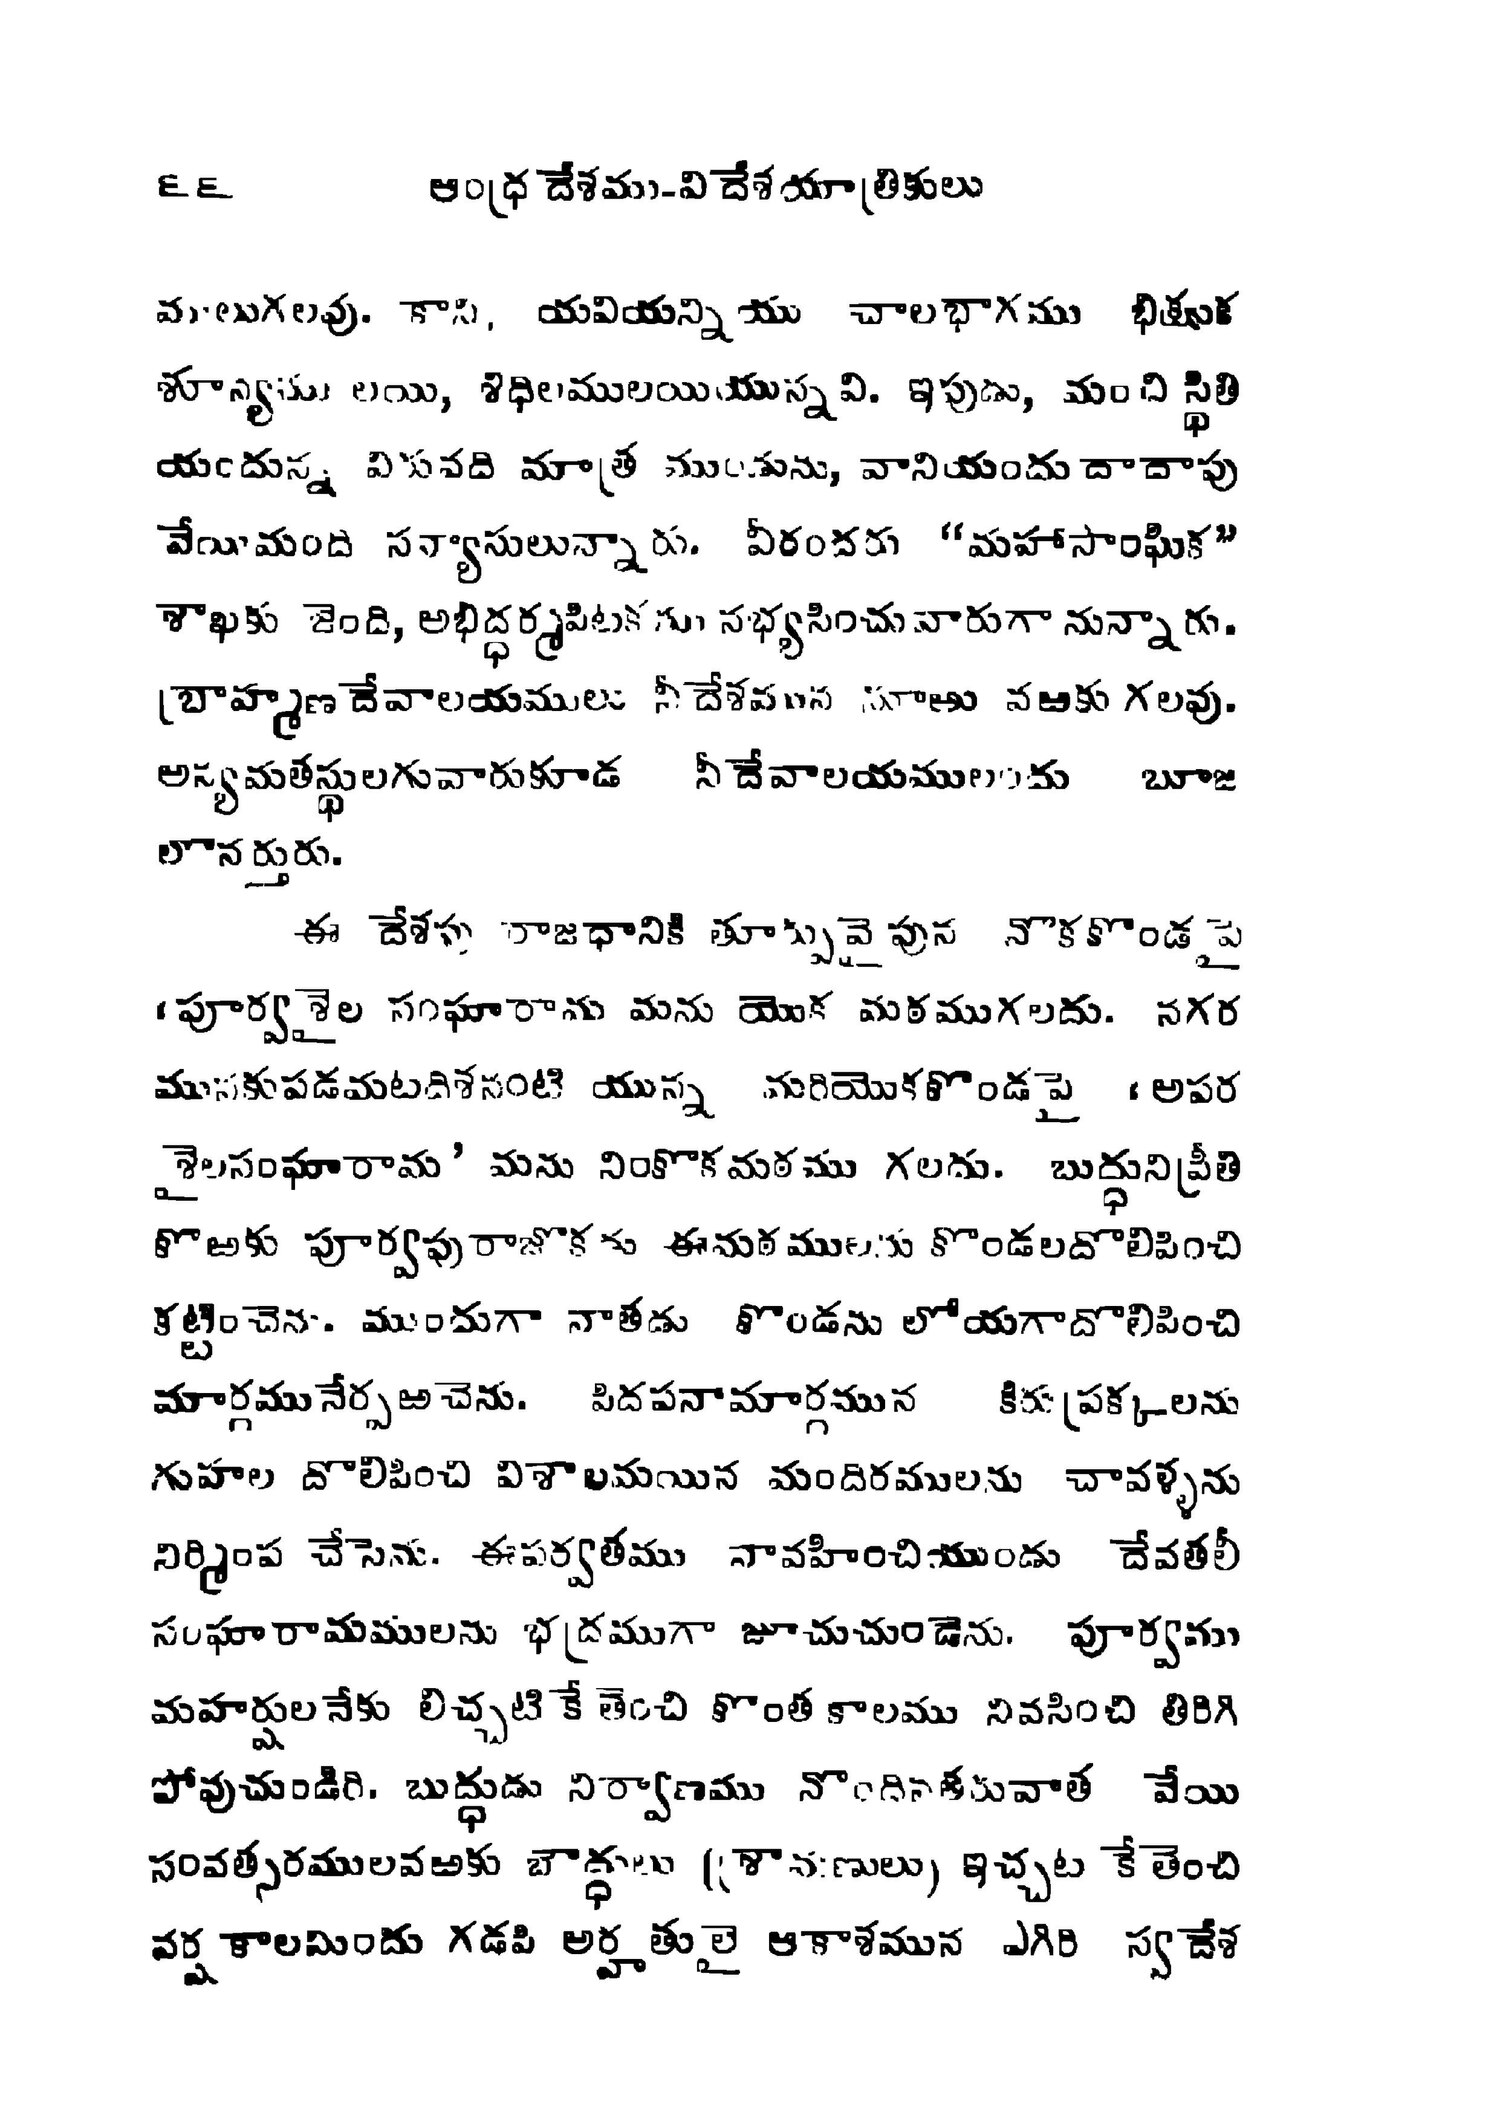ములుగలవు. కాని, యవియన్నియు చాలభాగము భిక్షుక శూన్యము లయి, శిధిలములయియున్నవి. ఇపుడు, మంచి స్థితి యందున్న విరువది మాత్ర ముండును, వానియందు దాదాపు వేయిమంది సన్యాసులున్నారు. వీరందరు "మహాసాంఘిక" శాఖకు జెంది, అభిధర్మపిటకము నభ్యసించువారుగా నున్నారు. బ్రాహ్మణ దేవాలయములు నీదేశమున నూఱు వఱకు గలవు. అన్యమతస్థులగువారు గూడ నీదేవాలయములందు బూజలొనర్తురు.

ఈ దేశపు రాజధానికి తూర్పువైపున నొకకొండపై 'పూర్వశైల సంఘారామ మను యొక మఠముగలదు. నగరమునకు పడమట దిశనంటి యున్న మరియొకకొండపై 'అపరశైలసంఘారామ' మను నింకొక మఠము గలదు. బుద్ధునిప్రీతి కొఱకు పూర్వపు రాజొకడు ఈమఠములను కొండలదొలిపించి కట్టించెను. ముందుగా నాతడు కొండను లోయగాదొలిపించి మార్గము నేర్పఱచెను. పిదప నామార్గమున కిరుప్రక్కలను గుహల దొలిపించి విశాలమయిన మందిరములను చావళ్ళను నిర్మింప చేసెను. ఈపర్వతము నావహించియుండు దేవతలీ సంఘారామములను భద్రముగా జూచుచుండెను. పూర్వము మహర్షులనేకు లిచ్చటికేతెంచి కొంతకాలము నివసించి తిరిగి పోవుచుండిరి. బుద్ధుడు నిర్వాణము నొందినతరువాత వేయి సంవత్సరములవఱకు బౌద్ధులు (శ్రామణులు) ఇచ్చట కేతెంచి వర్షకాలమిందు గడపి అర్హతులై ఆకాశమున ఎగిరి స్వదేశ